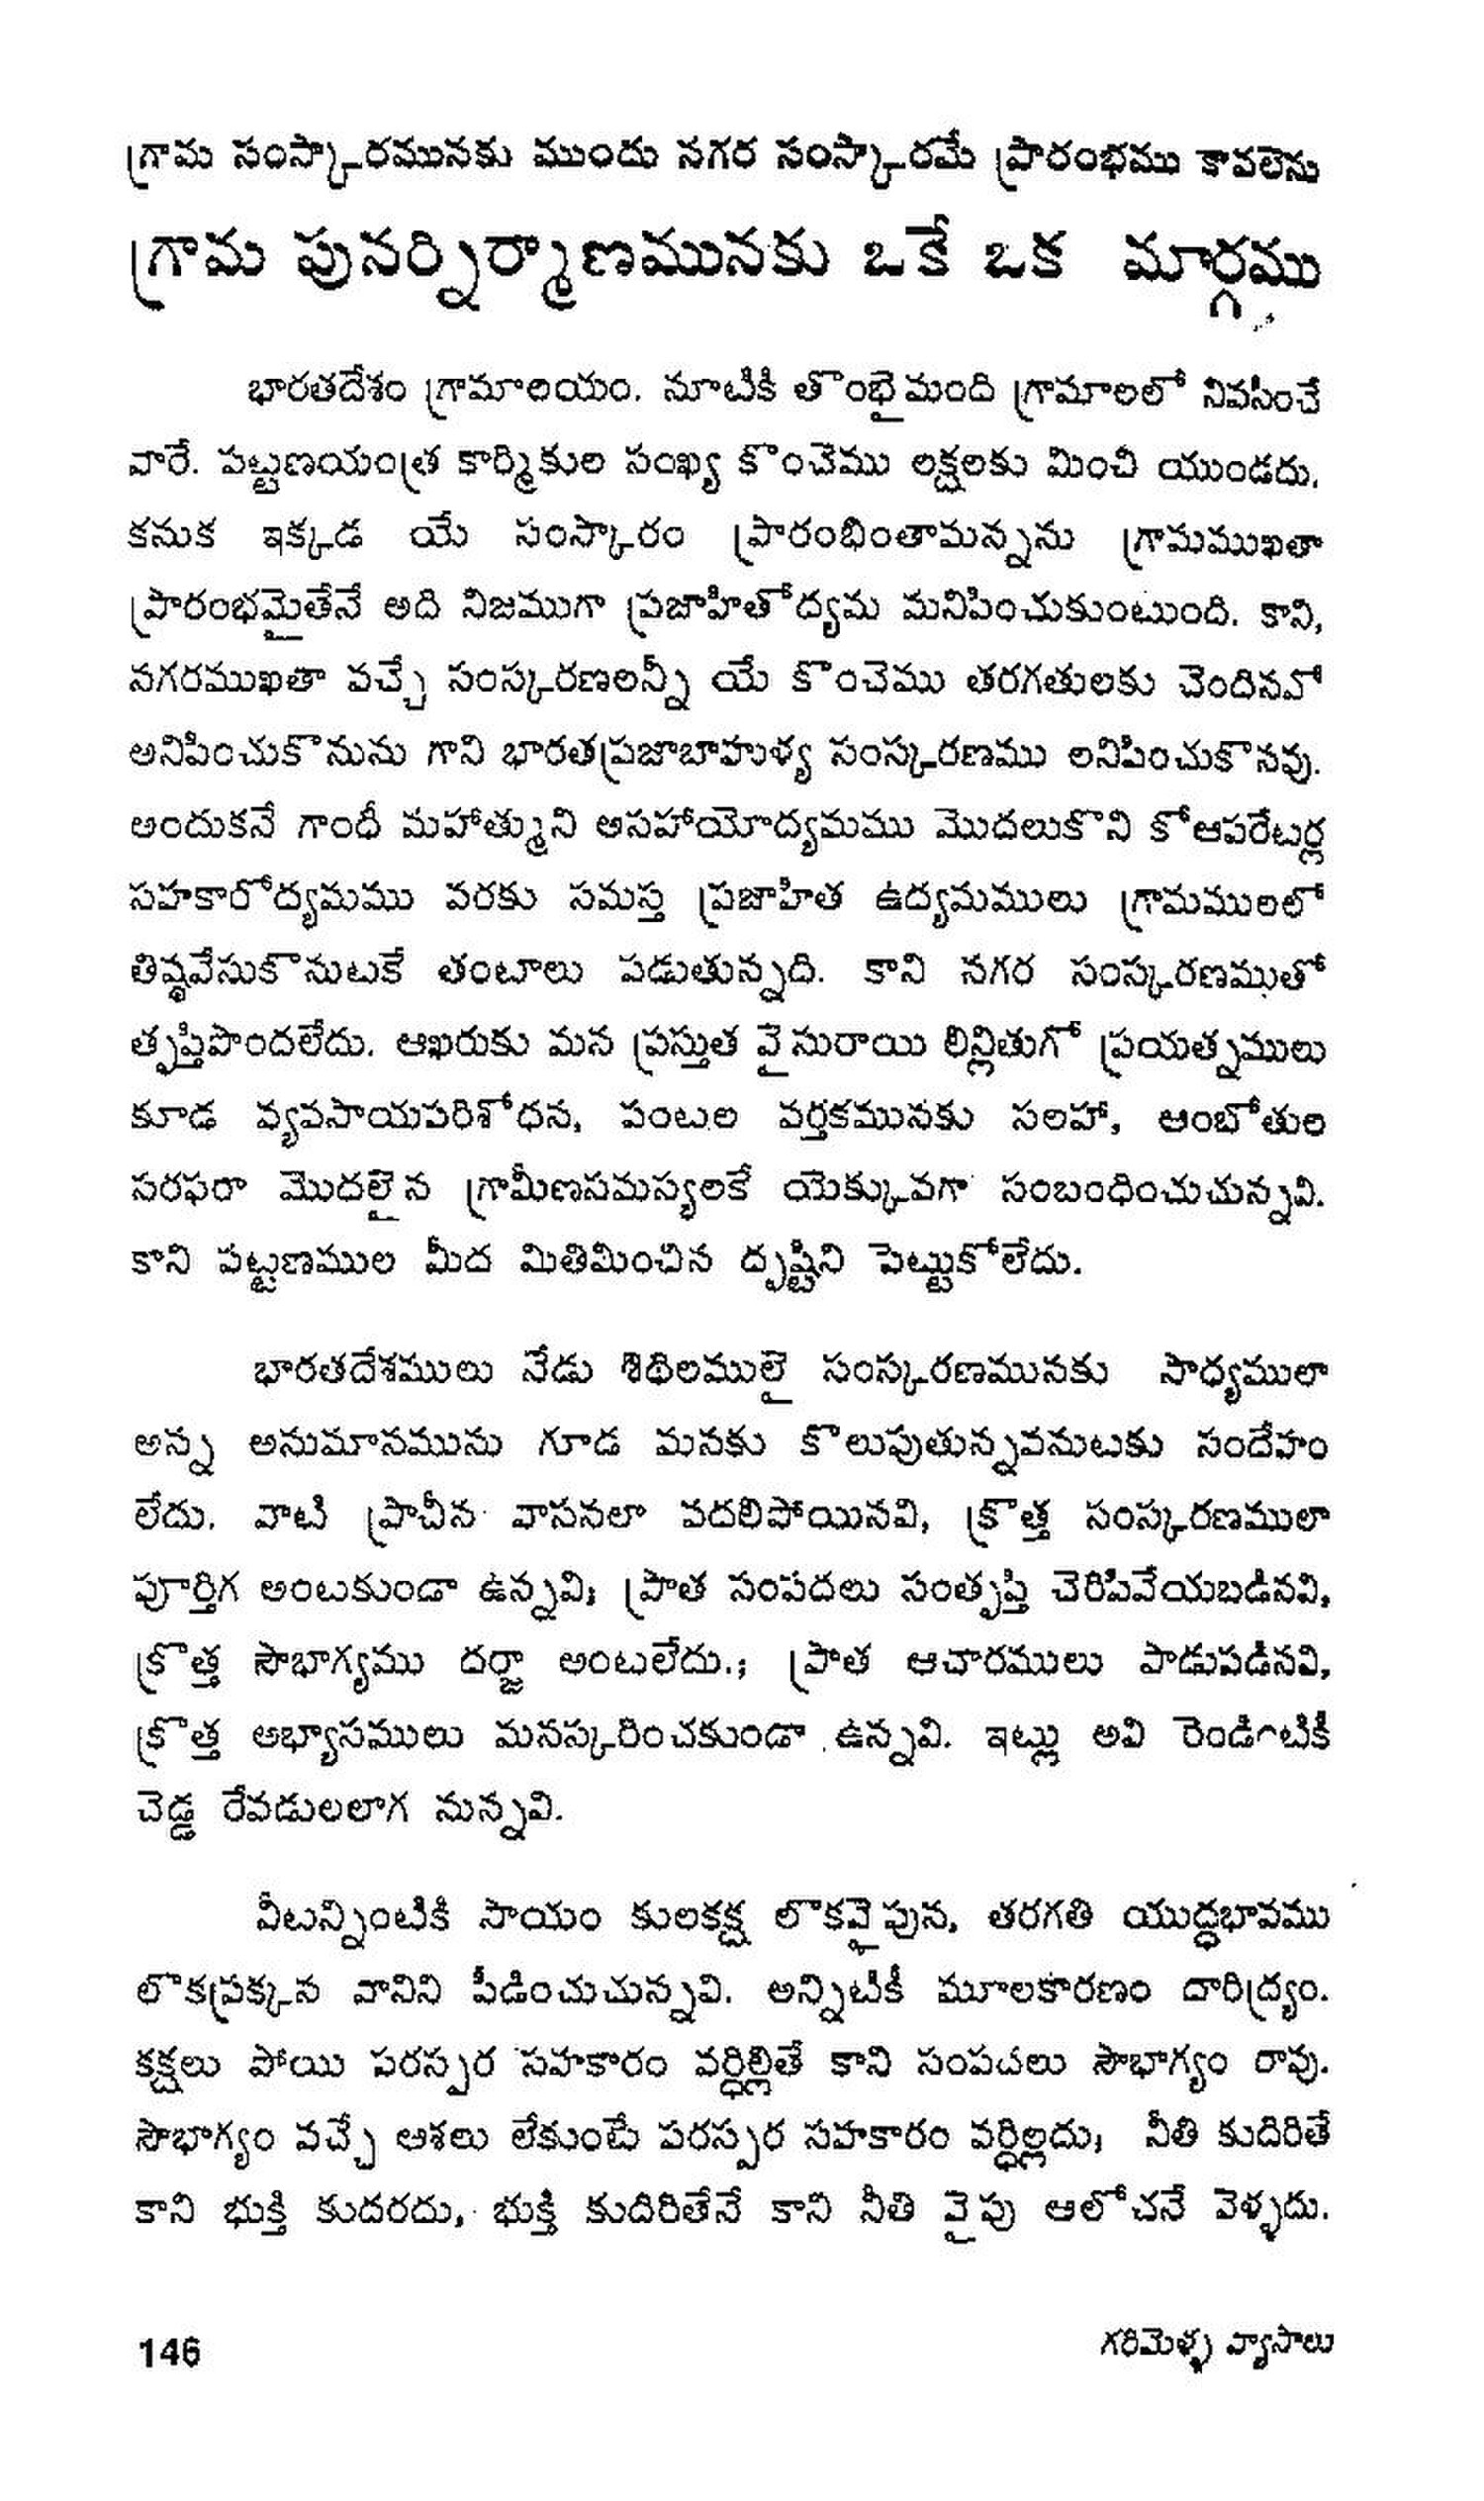గ్రామ సంస్కారమునకు ముందు నగర సంస్కారమే ప్రారంభము కావలెను.

గ్రామ పునర్నిర్మాణమునకు ఒకే ఒక మార్గము
 
భారతదేశం గ్రామాలయం. నూటికి తొంభైమంది గ్రామాలలో నివసించేవారే. పట్టణయంత్ర కార్మికుల సంఖ్య కొంచెము లక్షలకు మించి యుండదు. కనుక ఇక్కడ యే సంస్కారం ప్రారంభింతామన్నను గ్రామముఖతా ప్రారంభమైతేనే అది నిజముగా ప్రజాహితోద్యమ మనిపించుకుంటుంది. కాని, నగరముఖతా వచ్చే సంస్కరణలన్నీ యే కొంచెము తరగతులకు చెందినవో అనిపించుకొనును గాని భారతప్రజాబాహుళ్య సంస్కరణము లనిపించుకొనవు. అందుకనే గాంధీ మహాత్ముని అసహాయోద్యమము మొదలుకొని కో ఆపరేటర్ల సహకారోద్యమము వరకు సమస్త ప్ర్రజాహిత ఉద్యమములు గ్రామములలో తిష్ఠవేసుకొనుటకే తంటాలు పడుతున్నది. కాని నగర సంస్కరణముతో తృప్తిపొందలేదు. ఆఖరుకు మన ప్రస్తుత వైసురాయి లిన్లితుగో ప్రయత్నములు కూడ వ్యవసాయపరిశోధన, పంటల వర్తకమునకు సలహా, ఆంబోతుల సరఫరా మొదలైన గ్రామీణసమస్యలకే యెక్కువగా సంబంధించుచున్నవి. కాని పట్టణముల మీద మితిమించిన దృష్టిని పెట్టుకోలేదు.

భారతదేశములు నేడు శిథిలములై సంస్కరణమునకు సాధ్యములా అన్న అనుమానమును గూడ మనకు కొలుపుతున్నవనుటకు సందేహం లేదు. వాటి ప్రాచీన వాసనలా వదలిపోయినవి. క్రొత్త సంస్కరణములా పూర్తిగ అంటకుండా ఉన్నవి. ప్రాత సంపదలు సంతృప్తి చెరిపివేయబడినవి. క్రొత్త సౌభాగ్యము దర్జా అంటలేదు. ప్రాత ఆచారములు పాడుబడినవి. క్రొత్త సౌభాగ్యం దర్జా అంటలేదు. ప్రాత ఆచారములు పాడుపడినవి. క్రొత్త అభ్యాసములు మనస్కరించకుండా ఉన్నవి. ఇట్లు అవి రెండింటికి చెడ్డ రేవడులలాగ నున్నవి.

వీటన్నింటికి సాయం కులకక్ష లొకవైపున, తరగతి యుద్ధభావము లొకప్రక్కన వానిని పీడించుచున్నవి. అన్నిటికీ మూలకారణం దారిద్ర్యం. కక్షలు పోయి పరస్పర సహకారం వర్ధిల్లితే కాని సంపదలు సౌభాగ్యం రావు. సౌభాగ్యం వచ్చే ఆశలు లేకుంటే పరస్పర సహకారం వర్ధిల్లదు. నీతి కుదిరితే కాని భుక్తి కుదరదు. భుక్తి కుదిరితేనె కాని నీతి వైపు ఆలోచనే వెళ్ళదు.